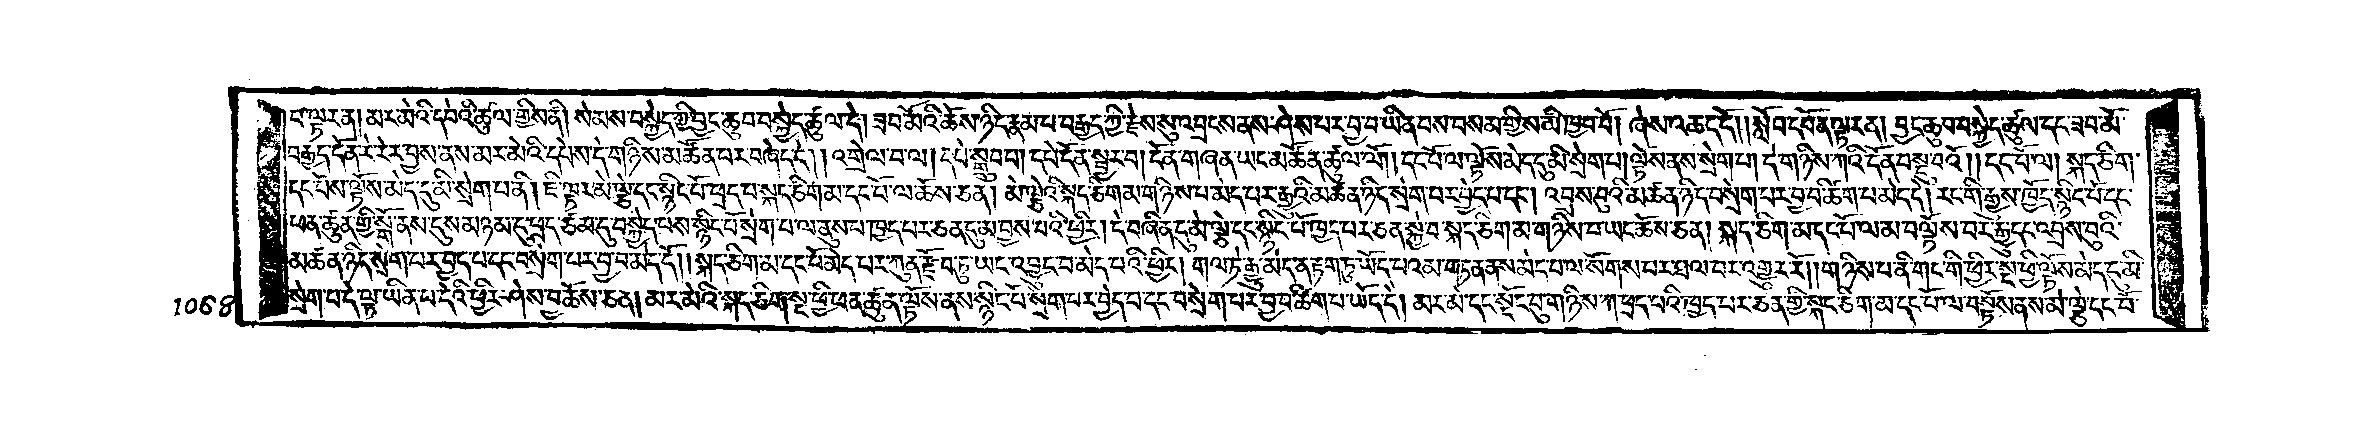པ་ལྟར་ན། མར་མེའི་དཔེའི་ཚུལ་གྱིས་ནི། སེམས་བསྐྱེད་ཀྱི་བྱང་ཆུབ་བསྐྱེད་ཚུལ་དེ། ཟབ་མོའི་ཆོས་ཉིད་རྣམ་པ་བརྒྱད་ཀྱི་རྗེས་སུ་འབྲངས་ནས་ཤེས་པར་བྱ་བ་ཡིན་པས་བསམ་གྱིས་མི་ཁྱབ་བོ། ཞེས་འཆད་དོ། །སློབ་དཔོན་ལྟར་ན། བྱང་ཆུབ་བསྐྱེད་ཚུལ་དང་ཟབ་མོ་
བརྒྱད་དོན་རེ་རེར་བྱས་ནས་མར་མེའི་དཔེས་དེ་གཉིས་མཚོན་པར་བཞེད་དེ། །འགྲེལ་བ་ལ། དཔེ་སྒྲུབ་པ། དཔེ་དོན་སྦྱར་བ། དོན་གཞན་ཡང་མཚོན་ཚུལ་ལོ། །དང་པོ་ལ་ལྟོས་མེད་དུ་མི་སྲེག་པ། ལྟོས་ནས་སྲེག་པ། དེ་གཉིས་ཀའི་དོན་བསྡུ་བའོ། །དང་པོ་ལ། སྐད་ཅིག་
དང་པོས་ལྟོས་མེད་དུ་མི་སྲེག་པ་ནི། ཇི་ལྟར་མེ་ལྕེ་དང་སྙིང་པོ་ཕྲད་པ་སྐད་ཅིག་མ་དང་པོ་ལ་ཆོས་ཅན། མེ་ལྕེའི་སྐད་ཅིག་མ་གཉིས་པ་མེད་པར་རྒྱུའི་མཚན་ཉིད་སྲེག་པར་བྱེད་པ་དང་། འབྲས་བུའི་མཚན་ཉིད་བསྲེག་པར་བྱ་བ་ཚིག་པ་མེད་དེ། རང་གི་རྒྱས་ཁྱོད་སྙིང་པོ་དང་
ཕན་ཚུན་གྱི་སྒོ་ནས་དུས་མཉམ་དུ་ཕྲད་ཙམ་དུ་བསྐྱེད་པས་སྙིང་པོ་སྲེག་པ་ལ་ནུས་པ་ཁྱད་པར་ཅན་དུ་མ་བྱས་པའི་ཕྱིར། དེ་བཞིན་དུ་མེ་ལྕེ་དང་སྙིང་པོ་ཁྱད་པར་ཅན་སྐྱེ་བ་སྐད་ཅིག་མ་གཉིས་པ་ཡང་ཆོས་ཅན། སྐད་ཅིག་མ་དང་པོ་ལ་མ་བལྟོས་པར་རྒྱུ་དང་འབྲས་བུའི་
མཚན་ཉིད་སྲེག་པར་བྱད་པ་དང་བསྲེག་པར་བྱ་བ་མེད་དོ། །སྐད་ཅིག་མ་དང་པོ་མེད་པར་ཀུན་རྫོབ་ཏུ་ཡང་འབྱུང་བ་མེད་པའི་ཕྱིར། གལ་ཏེ་རྒྱུ་མེད་ན་རྟག་ཏུ་ཡོད་པའམ་གཏན་ནས་མེད་པ་ལ་སོགས་པར་ཐལ་བར་འགྱུར་རོ། །གཉིས་པ་ནི་གང་གི་ཕྱིར་སྔ་ཕྱི་ལྟོས་མེད་དུ་མི་
སྲེག་པ་དེ་ལྟ་ཡིན་པ་དེའི་ཕྱིར་ཤེས་བྱ་ཆོས་ཅན། མར་མེའི་སྐད་ཅིག་སྔ་ཕྱི་ཕན་ཚུན་ལྟོས་ནས་སྙིང་པོ་སྲེག་པར་བྱེད་པ་དང་བསྲེག་པར་བྱ་བ་ཚིག་པ་ཡོད་དེ། མར་མེ་དང་སྡོང་བུ་གཉིས་ཀ་ཕྲད་པའི་ཁྱད་པར་ཅན་གྱི་སྐད་ཅིག་མ་དང་པོ་ལ་བསྟོས་ནས་མེ་ལྕེ་དང་པོ་